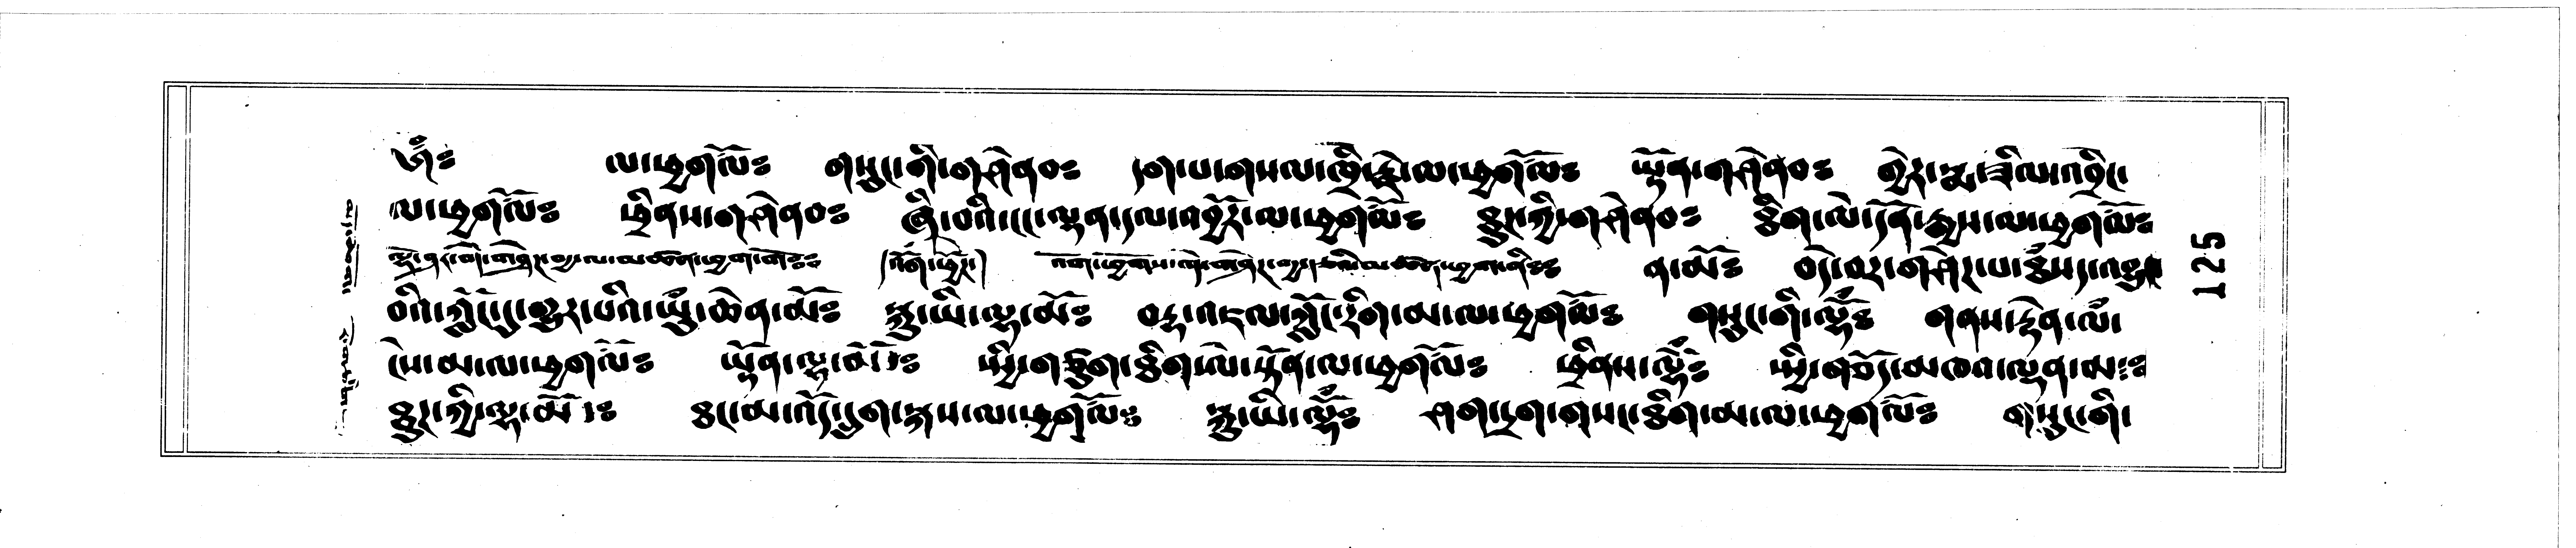ལ་ཕྱག་འཚལ་ལོཿ གསུང་གི་གཤེན་རབ་ལཿ དག་པ་གསལ་ཁྲི་རྗེ་ལ་ཕྱག་འཚལ་ལོཿ ཡོན་ཏན་གྱི་གཤེན་རབཿ གྱེར་སྨ་ཟིལ་འབྲེང་
ལ་ཕྱག་འཚལ་ལོཿ ཕྲིན་ལས་ཀྱི་གཤེན་རབཿ ཞི་བའི་ངང་ལྡན་དལ་འབྱོར་ལ་ཕྱག་འཚལ་ལོཿ ཐུགས་ཀྱི་གཤེན་རབཿ ཐིག་ལེ་དོན་རྒྱས་ལ་ཕྱག་འཚལ་ལོཿ 
ལྷོ་ཤར་བདེར་གཤེགས་བརྒྱ་ལའོཿ ༼འོག་ཕྱོགས༽འོག་ཕྱོགས་བདེར་གཤེགས་བརྒྱ་རྩའི་མཚན་ཕྱག་ནིཿ ན་མོ་བདེ་བར་གཤེགས་པ་ཐམས་ཅད་ཀློང་དུ་འབྱུང་
བའི་ཡུམ་ཆེན་མོཿ སྐུ་ཡི་ལྷ་མོཿ བརྡ་འཇལ་ཀློང་རིག་མ་ལ་ཕྱག་འཚལ་ལོཿ གསུང་གི་ལྷ་མོཿ གནས་བརྟན་ལམ་
ངེས་མ་ལ་ཕྱག་འཚལ་ལོཿ ཡོན་ཏན་གྱི་ལྷ་མོཿ སྤྱི་གཙུག་ཐིག་ལེ་སྟོན་ལ་ཕྱག་འཚལ་ལོཿ ཕྲིན་ལས་ཀྱི་ལྷ་མོཿ སྤྱི་གཅོད་མཁའ་ལྡན་ལ་ཕྱག་འཚལ་ལོཿ
 ཐུགས་ཀྱི་ལྷ་མོཿ ཐང་མ་འོད་དྲུག་སྐས་ལ་ཕྱག་འཚལ་ལོཿ སྐུ་ཡི་ལྷ་མོཿ ཤག་དྲག་གསང་ཐིག་མ་ལ་ཕྱག་འཚལ་ལོཿ གསུང་གི་